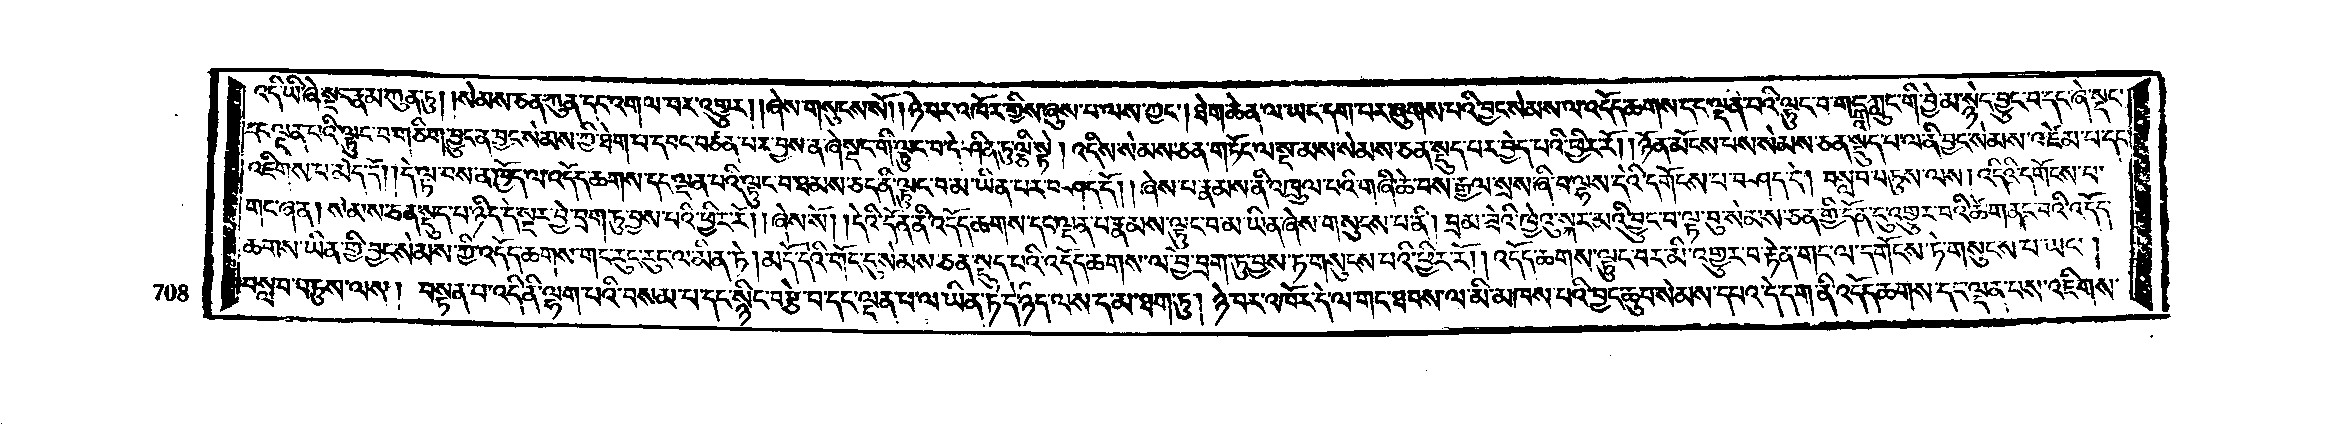འདི་ཡི་ཞེ་སྡང་རྣམ་ཀུན་ཏུ། །སེམས་ཅན་ཀུན་དང་འགལ་བར་འགྱུར། །ཞེས་གསུངས་སོ། །ཉེ་བར་འཁོར་གྱིས་ཞུས་པ་ལས་ཀྱང་། ཐེག་ཆེན་ལ་ཡང་དག་པར་ཞུགས་པའི་བྱང་སེམས་ལ་འདོད་ཆགས་དང་ལྡན་པའི་ལྟུང་བ་གངྒཱ་ཀླུང་གི་བྱེ་མ་སྙེད་བྱུང་བ་དང་ཞེ་སྡང་
དང་ལྡན་པའི་ལྟུང་བ་གཅིག་བྱུང་ན་བྱང་སེམས་ཀྱི་ཐེག་པ་དབང་བཙན་པར་བྱས་ན་ཞེ་སྡང་གི་ལྟུང་བ་དེ་ཤིན་ཏུ་ལྕི་སྟེ། འདིས་སེམས་ཅན་གཏོང་ལ་སྔ་མས་སེམས་ཅན་སྡུད་པར་བྱེད་པའི་ཕྱིར་རོ། །ཉོན་མོངས་པས་སེམས་ཅན་སྡུད་པ་ལ་ནི་བྱང་སེམས་འཛེམ་པ་དང་
འཇིགས་པ་མེད་དོ། །དེ་ལྟ་བས་ན་ཁྱོད་ལ་འདོད་ཆགས་དང་ལྡན་པའི་ལྟུང་བ་ཐམས་ཅད་ནི་ལྟུང་བ་མ་ཡིན་པར་བཤད་དོ། །ཞེས་པ་རྣམས་ནི་འཁྲུལ་པའི་གཞི་ཆེ་བས་རྒྱལ་སྲས་ཞི་བ་ལྷས་དེའི་དགོངས་པ་བཤད་དེ། བསླབ་བཏུས་ལས། འདིའི་དགོངས་པ་
གང་ཞེ་ན། སེམས་ཅན་སྡུད་པ་ཉིད་དེ་སྔར་བྱེ་བྲག་ཏུ་བྱས་པའི་ཕྱིར་རོ། །ཞེས་སོ། །དེའི་དོན་ནི་འདོད་ཆགས་དང་ལྡན་པ་རྣམས་ལྟུང་བ་མ་ཡིན་ཞེས་གསུངས་པ་ནི། བྲམ་ཟེའི་ཁྱེའུ་སྐར་མའི་བྱུང་བ་ལྟ་བུ་སེམས་ཅན་གྱི་དོན་དུ་འགྱུར་བའི་ཚེ་གནང་བའི་འདོད་
ཆགས་ཡིན་གྱི་བྱང་སེམས་ཀྱི་འདོད་ཆགས་གང་རུང་རུང་ལ་མིན་ཏེ། མདོ་དེའི་གོང་དུ་སེམས་ཅན་སྡུད་པའི་འདོད་ཆགས་ལ་བྱེ་བྲག་ཏུ་བྱས་ཏ་གསུངས་པའི་ཕྱིར་རོ། །འདོད་ཆགས་ལྟུང་བར་མི་འགྱུར་བ་རྟེན་གང་ལ་དགོངས་ཏེ་གསུངས་པ་ཡང་།
བསླབ་བཏུས་ལས། བསྟན་པ་འདི་ནི་ལྷག་པའི་བསམ་པ་དང་སྙིང་བརྩེ་བ་དང་ལྡན་པ་ལ་ཡིན་ཏེ་དེ་ཉིད་ལས་ད་མ་ཐག་ཏུ། ཉེ་བར་འཁོར་དེ་ལ་གང་ཐབས་ལ་མི་མཁས་པའི་བྱང་ཆུབ་སེམས་དཔའ་དེ་དག་ནི་འདོད་ཆགས་དང་ལྡན་པས་འཇིགས་